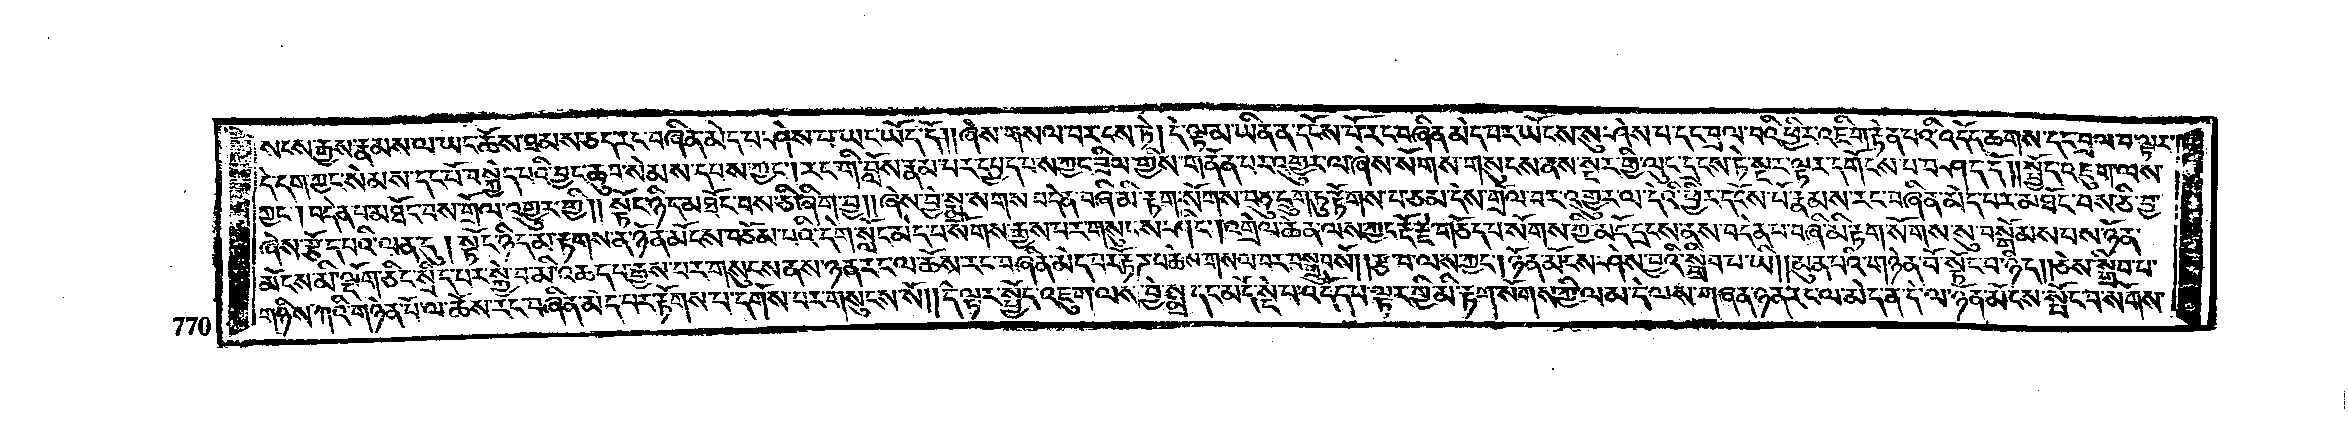སངས་རྒྱས་རྣམས་ལ་ཡང་ཆོས་ཐམས་ཅད་རང་བཞིན་མེད་པ་ཤེས་པ་ཡང་ཡོད་དོ། །ཞེས་གསལ་བར་ངེས་ཏེ། དེ་ལྟ་མ་ཡིན་ན་དངོས་པོ་རང་བཞིན་མེད་པར་ཡོངས་སུ་ཤེས་པ་དང་བྲལ་བའི་ཕྱིར་འཇིག་རྟེན་པའི་འདོད་ཆགས་དང་བྲལ་བ་ལྟར་
དེ་དག་ཀྱང་སེམས་དང་པོ་བསྐྱེད་པའི་བྱང་ཆུབ་སེམས་དཔས་ཀྱང་། རང་གི་བློས་རྣམ་པར་དཔྱད་པས་ཀྱང་ཟིལ་གྱིས་གནོན་པར་འགྱུར་ལ་ཞེས་སོགས་གསུངས་ནས་སྔར་གྱི་ལུང་དྲངས་ཏེ་སྔར་ལྟར་དགོངས་པ་བཤད་དོ། །སྤྱོད་འཇུག་ལས་
ཀྱང་། བདེན་པ་མཐོང་བས་གྲོལ་འགྱུར་གྱི། །སྟོང་ཉིད་མཐོང་བས་ཅི་ཞིག་བྱ། །ཞེས་བྱེ་སྨྲ་སོགས་བདེན་བཞི་མི་རྟག་སོགས་བཅུ་དྲུག་ཏུ་རྟོགས་པ་ཙམ་དེས་གྲོལ་བར་འགྱུར་ལ་དེའི་ཕྱིར་དངོས་པོ་རྣམས་རང་བཞིན་མེད་པར་མཐོང་བས་ཅི་བྱ་
ཞེས་རྩོད་པའི་ལན་དུ། སྟོང་ཉིད་མ་རྟོགས་ནི་ཉོན་མོངས་བཅོམ་པའི་དགེ་སློང་མེད་པ་སོགས་རྒྱས་པར་གསུངས་ཤིང་། འགྲེལ་ཆེན་ལས་ཀྱང་རྡོ་རྗེ་གཅོད་པ་སོགས་ཀྱི་མདོ་དྲངས་ནས་བདེན་པ་བཞི་མི་རྟག་སོགས་སུ་བསྒོམས་པས་ཉོན་
མོངས་མི་ལྡོག་ཅིང་སྲིད་པར་སྐྱེ་བ་མི་འཆད་པ་རྒྱས་པར་གསུངས་ནས་ཉན་རང་ལ་ཆོས་རང་བཞིན་མེད་པར་རྟོགས་པ་ཆེས་གསལ་བར་བསྒྲུབས་སོ། །རྩ་བ་ལས་ཀྱང་། ཉོན་མོངས་ཤེས་བྱའི་སྒྲིབ་པ་ཡི། །མུན་པའི་གཉེན་པོ་སྟོང་པ་ཉིད། །ཅེས་སྒྲིབ་པ་
གཉིས་ཀའི་གཉེན་པོ་ལ་ཆོས་རང་བཞིན་མེད་པར་རྟོགས་པ་དགོས་པར་གསུངས་སོ། །དེ་ལྟར་སྤྱོད་འཇུག་ལས་བྱེ་སྨྲ་དང་མདོ་སྡེ་པ་འདོད་པ་ལྟར་གྱི་མི་རྟག་སོགས་ཀྱི་ལམ་དེ་ལས་གཞན་ཉན་རང་ལ་མེད་ན་དེ་ལ་ཉོན་མོངས་སྤོང་བ་སོགས་